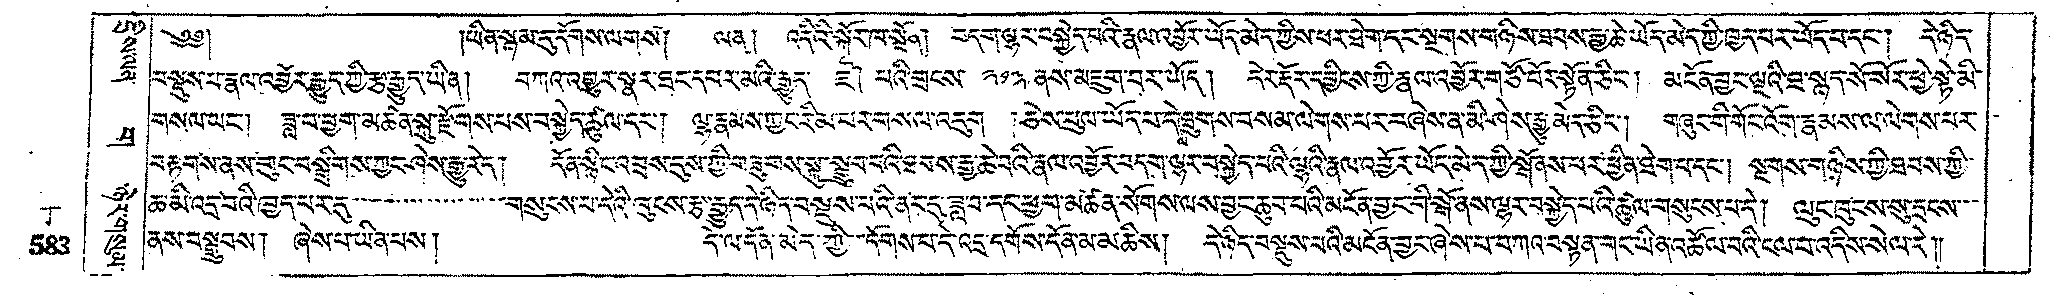༄༅། །ཡིན་སྙམ་དུ་དོགས་ལགས། ལན། འདིའི་སྐོར་ཁ་སྔོན། བདག་ལྷར་བསྐྱེད་པའི་རྣལ་འབྱོར་ཡོད་མེད་ཀྱིས་ཕར་ཐེག་དང་སྔགས་གཉིས་ཐབས་རྒྱ་ཆེ་ཡོད་མེད་ཀྱི་ཁྱད་པར་ཡོད་པ་དང་། དེ་ཉིད་
བསྡུས་པ་རྣལ་འབྱོར་རྒྱུད་ཀྱི་རྩ་རྒྱུད་ཡིན། བཀའ་འགྱུར་སྣར་ཐང་དཔར་མའི་རྒྱུད་ཇ་པའི་གྲངས ༢༡༣་ནས་མཇུག་བར་ཡོད། དེར་རྡོར་དབྱིངས་ཀྱི་རྣལ་འབྱོར་གཙོ་བོར་སྟོན་ཅིང་། མངོན་བྱང་ལྔའི་ཐ་སྙད་སོ་སོར་ཕྱེ་སྟེ་མི་
གསལ་ཡང་། ཟླ་བ་ཕྱག་མཚན་སྐུ་རྫོགས་པས་བསྐྱེད་ཚུལ་དང་། ལྷ་རྣམས་ཀྱང་རིམ་པར་གསལ་འདུག །ཅེས་ཕུལ་ཡོད་པ་དེ་ལ་ཐུགས་བསམ་ལེགས་པར་བཞེས་ན་མི་ཤེས་རྒྱུ་མེད་ཅིང་། གཟུང་གི་གོང་འོག་རྣམས་ལ་ལེགས་པར་
བརྟགས་ནས་གུང་བསྒྲིགས་ཀྱང་ཤེས་རྒྱུ་རེད། དོན་སྙིང་འབྲས་དུས་ཀྱི་གཟུགས་སྐུ་སྒྲུབ་པའི་ཐབས་རྒྱ་ཆེ་བའི་རྣལ་འབྱོར་བདག་ལྷར་བསྐྱེད་པའི་ལྷའི་རྣལ་འབྱོར་ཡོད་མེད་ཀྱི་སྒོ་ནས་ཕར་ཕྱིན་ཐེག་པ་དང་། སྔགས་གཉིས་ཀྱི་ཐབས་ཀྱི་་་
ཆ་མི་འདྲ་བའི་ཁྱད་པར་དུ་་་གསུངས་པ་དེའི་ཁུངས་རྩ་རྒྱུད་དེ་ཉིད་བསྡུས་པའི་ནང་དུ་ཟླ་བ་དང་ཕྱག་མཚན་སོགས་ལས་བྱང་ཆུབ་པའི་མངོན་བྱང་གི་སྒོ་ནས་ལྷར་བསྐྱེད་པའི་ཚུལ་གསུངས་པ་དེ། ལུང་ཁུངས་སུ་དྲངྶ་་་
ནས་བསྒྲུབས། ཞེས་པ་ཡིན་པས། དེ་ལ་དོན་མེད་ཀྱི་་་དོགས་པ་དེ་འདྲ་དགོས་དོན་མ་མཆིས། དེ་ཉིད་བསྡུས་པའི་མངོན་བྱང་ཞེས་པ་བཀའ་བསྟན་གང་ཡིན་འཚོལ་བའི་ངལ་བ་འདིས་སེལ་རེ།།